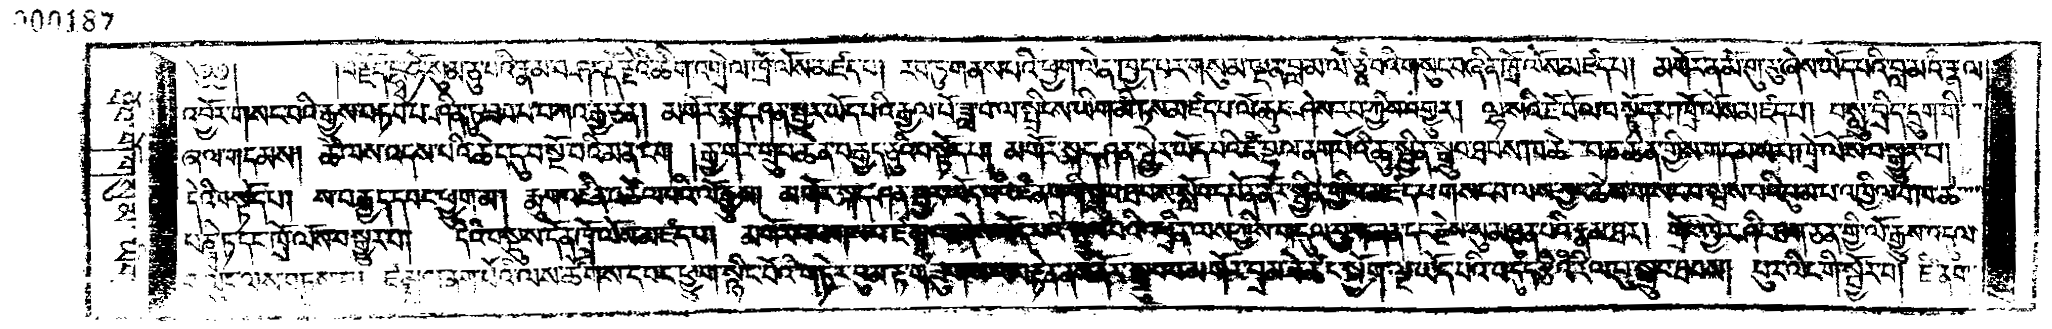༄༅། །བརྗོད་དྷྭ་ཧོ་སུམ་ཅུ་པའི་རྣམ་བཤད་རྡོ་རྗེའི་ཚིག་འགྲེལ་ཁྲོ་ལོས་མཛད་པ། རབ་ཏུ་གནས་པའི་ཕྱག་ལེན་ཁྱད་པར་གསུམ་ལྡན་བླ་མ་ལོ་ཙཱ་བའི་གསུང་བཞིན་ཁྲོ་ལོས་མཛད་པ། མགོར་ན་མོ་གུ་རུ་ཞེས་ཡོད་པའི་བླ་མའི་རྣལ་
འབྱོར་གསང་བའི་རྒྱས་བཏབ་པ་ཤིན་ཏུ་ཟབ་པ་བཀའ་རྒྱ་ཅན། མགོར་སྐད་ཤན་སྦྱར་ཡོད་པའི་རྒྱལ་པོ་ཟླ་བ་ལ་སྤྲིངས་ཡིག་མི་ཏྲས་མཛད་པ་ལོ་ཆུང་ཤེས་རབ་ཀྱིས་འགྱུར། ལྷ་སའི་ཇོ་བོ་ལ་བསྟོད་པ་ཁྲོ་ལོས་མཛད་པ། བསླུ་བྲིད་དྲུག་གི་
ཞལ་གདམས། ཚེ་ལས་འདས་པའི་ཆེད་དུ་བསྔོ་བའི་མན་ངག །རྒྱ་གར་གྲུབ་ཆེན་བརྒྱད་ཅུའི་བསྟོད་པ། མགོར་སྐད་ཤན་སྦྱར་ཡོད་པའི་ཛི་བྷ་ལ་ནག་པོའི་ཆུ་སྦྱིན་སྒྲུབ་ཐབས་ཁ་ཆེ་པཎ་ཆེན་གྱིས་གདམས་པ་ཁྲོ་ལོས་བསྒྱུར་བ།
དེའི་བསྟོད་པ། ས་བརྒྱད་དབང་ཕྱུག་མ། རྨུག་འཛིན་འཚེལ་བའི་ལོ་རྒྱུས། མགོར་སྐད་ཤན་སྦྱར་ཡོད་པའི་ཛཾ་ནག་གི་སྒྲུབ་ཐབས་སློབ་དཔོན་ནོར་སྦྱིན་གྱིས་མཛད་པ་གསང་བ་ལས་ཀྱང་ཆོས་གསང་བ་སྦས་པའི་བུམ་པ་འཁྱིལ་བ་ཁ་ཆེ་
པཎྚི་ཏ་དང་ཁྲོ་ལོས་བསྒྱུར་བ། དེའི་བསྡུས་དོན་ཁྲོ་ལོས་མཛད་པ། མགོར་འཕགས་པ་ཛམྦྷ་ལ་ཞེས་ཡོད་པའི་སྤྲུལ་བའི་འཕྲིན་ལས་ཀྱིས་གདུལ་བྱ་གཞན་དང་རྗེས་སུ་མཐུན་པའི་རྣམ་ཐར། གྲོང་ཁྱེར་ཤིང་ཐག་ཅན་གྱི་ལོ་རྒྱུས་འདུལ་
བ་ལུང་ལས་བཏུས་པ། ཛམྦྷ་ལ་ནག་པོའི་ལས་ཚོགས་དབང་ཕྱུག་སྙིང་པོའི་གཏེར་བུམ་རྟ་གཟུགས་ལ་བརྟེན་ནས་ནོར་སྒྲུབ་པ་མགོར་བྲམ་ཟེ་ཚང་སྐྱོག་ལྔ་ཡོད་པའི་བདུད་རྩིའི་རིལ་བུ་སྒྲུབ་ཐབས། པུར་ལིང་གི་སྦྱོར་བ། ཛཾ་ནག་